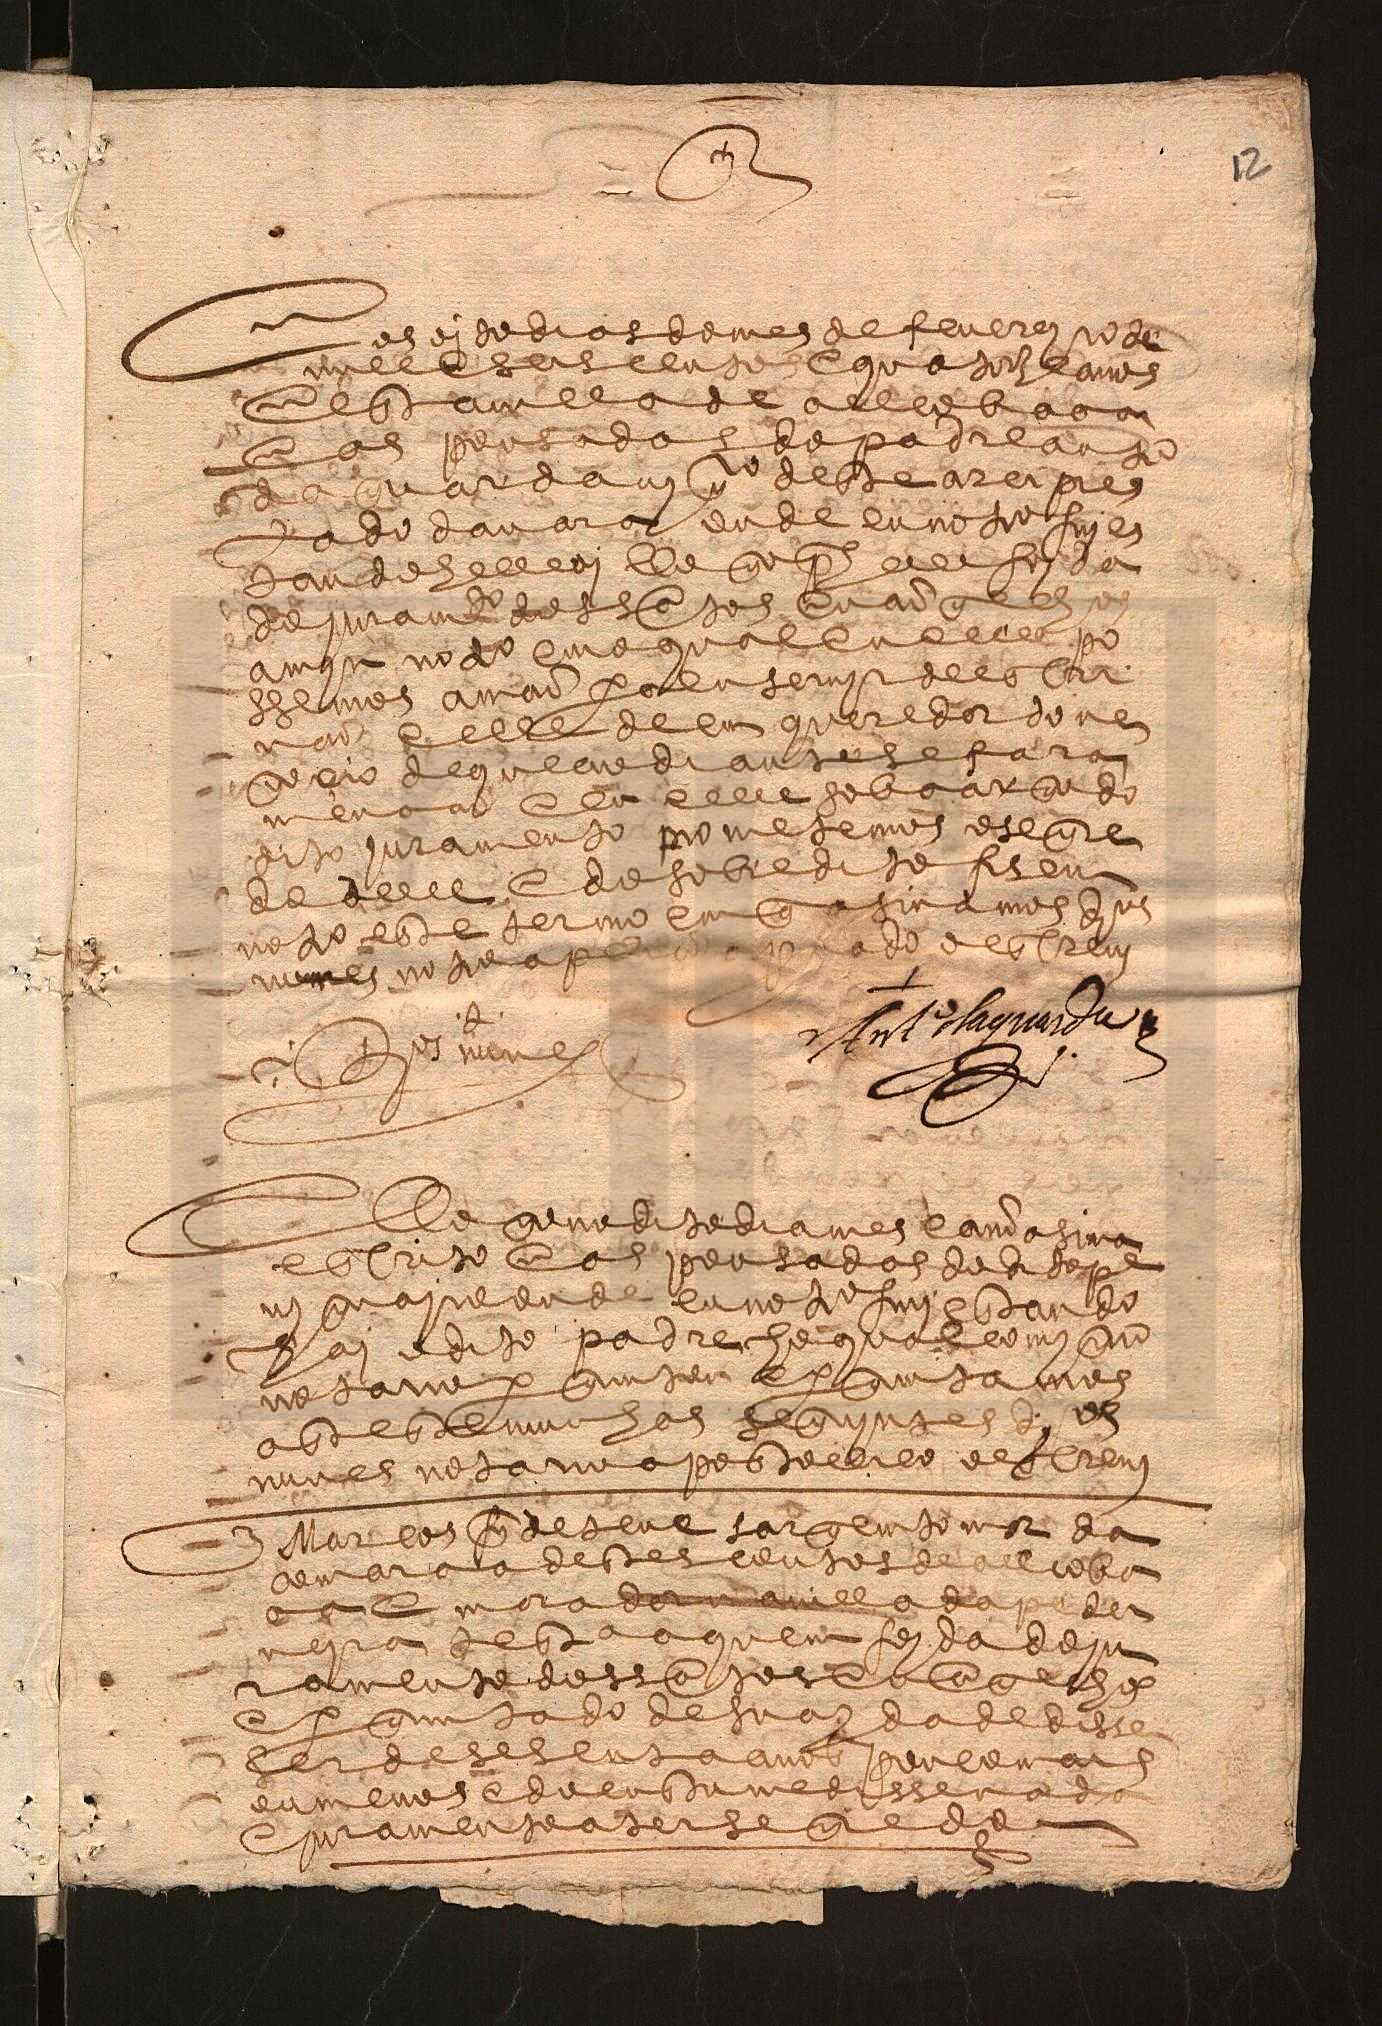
Ē os ojto dias do mes de feuerejro de
mill e seiscentos e quatorze anos
ē esta uilla de allcobaça
ē as pousadas do padre anto
da guarda ujgro deste arcipres
tado da uara onde eu notro fuj es
tando helle aj llogo pō elle foy da
do juramto dos sātos euaõgelhos
a mjn notro em o qual eu e elle po
ssemos a maõ ꝑa eu serujr de escri
uaõ e elle de emqueredor do ne
gocio de que em diante se fara
mençaõ e eu e elle sob cargo do
dito juramento prometemos o segre
do delle e do sobredito fis eu
notro este termo em q̄ asinamos dos
nunes notro apllicō aꝓuado o escreuj
E llogo no dito dia mes e anō asima
escrito ē as pousadas do dito pe
ujguajro onde eu notro fuj estando
haj o dito padre ho qual comjguo
notario ꝑguntou e ꝑguntamos
as testemunhas segujntes dos
nunes notario apostollico o escreuj
item Marcos fz̄ de teue sargemto mor da
comarca destes coutos de allcoba
ça e morador na uilla da peder
nejra testa a quem foj dado ju
ramento dos sātos euāgelhos
e ꝑguntado de sua jdade disse
ser de sesenta anos̄ pouco mais
ou menos e do costume disse nada
e juramento a ter segredo
